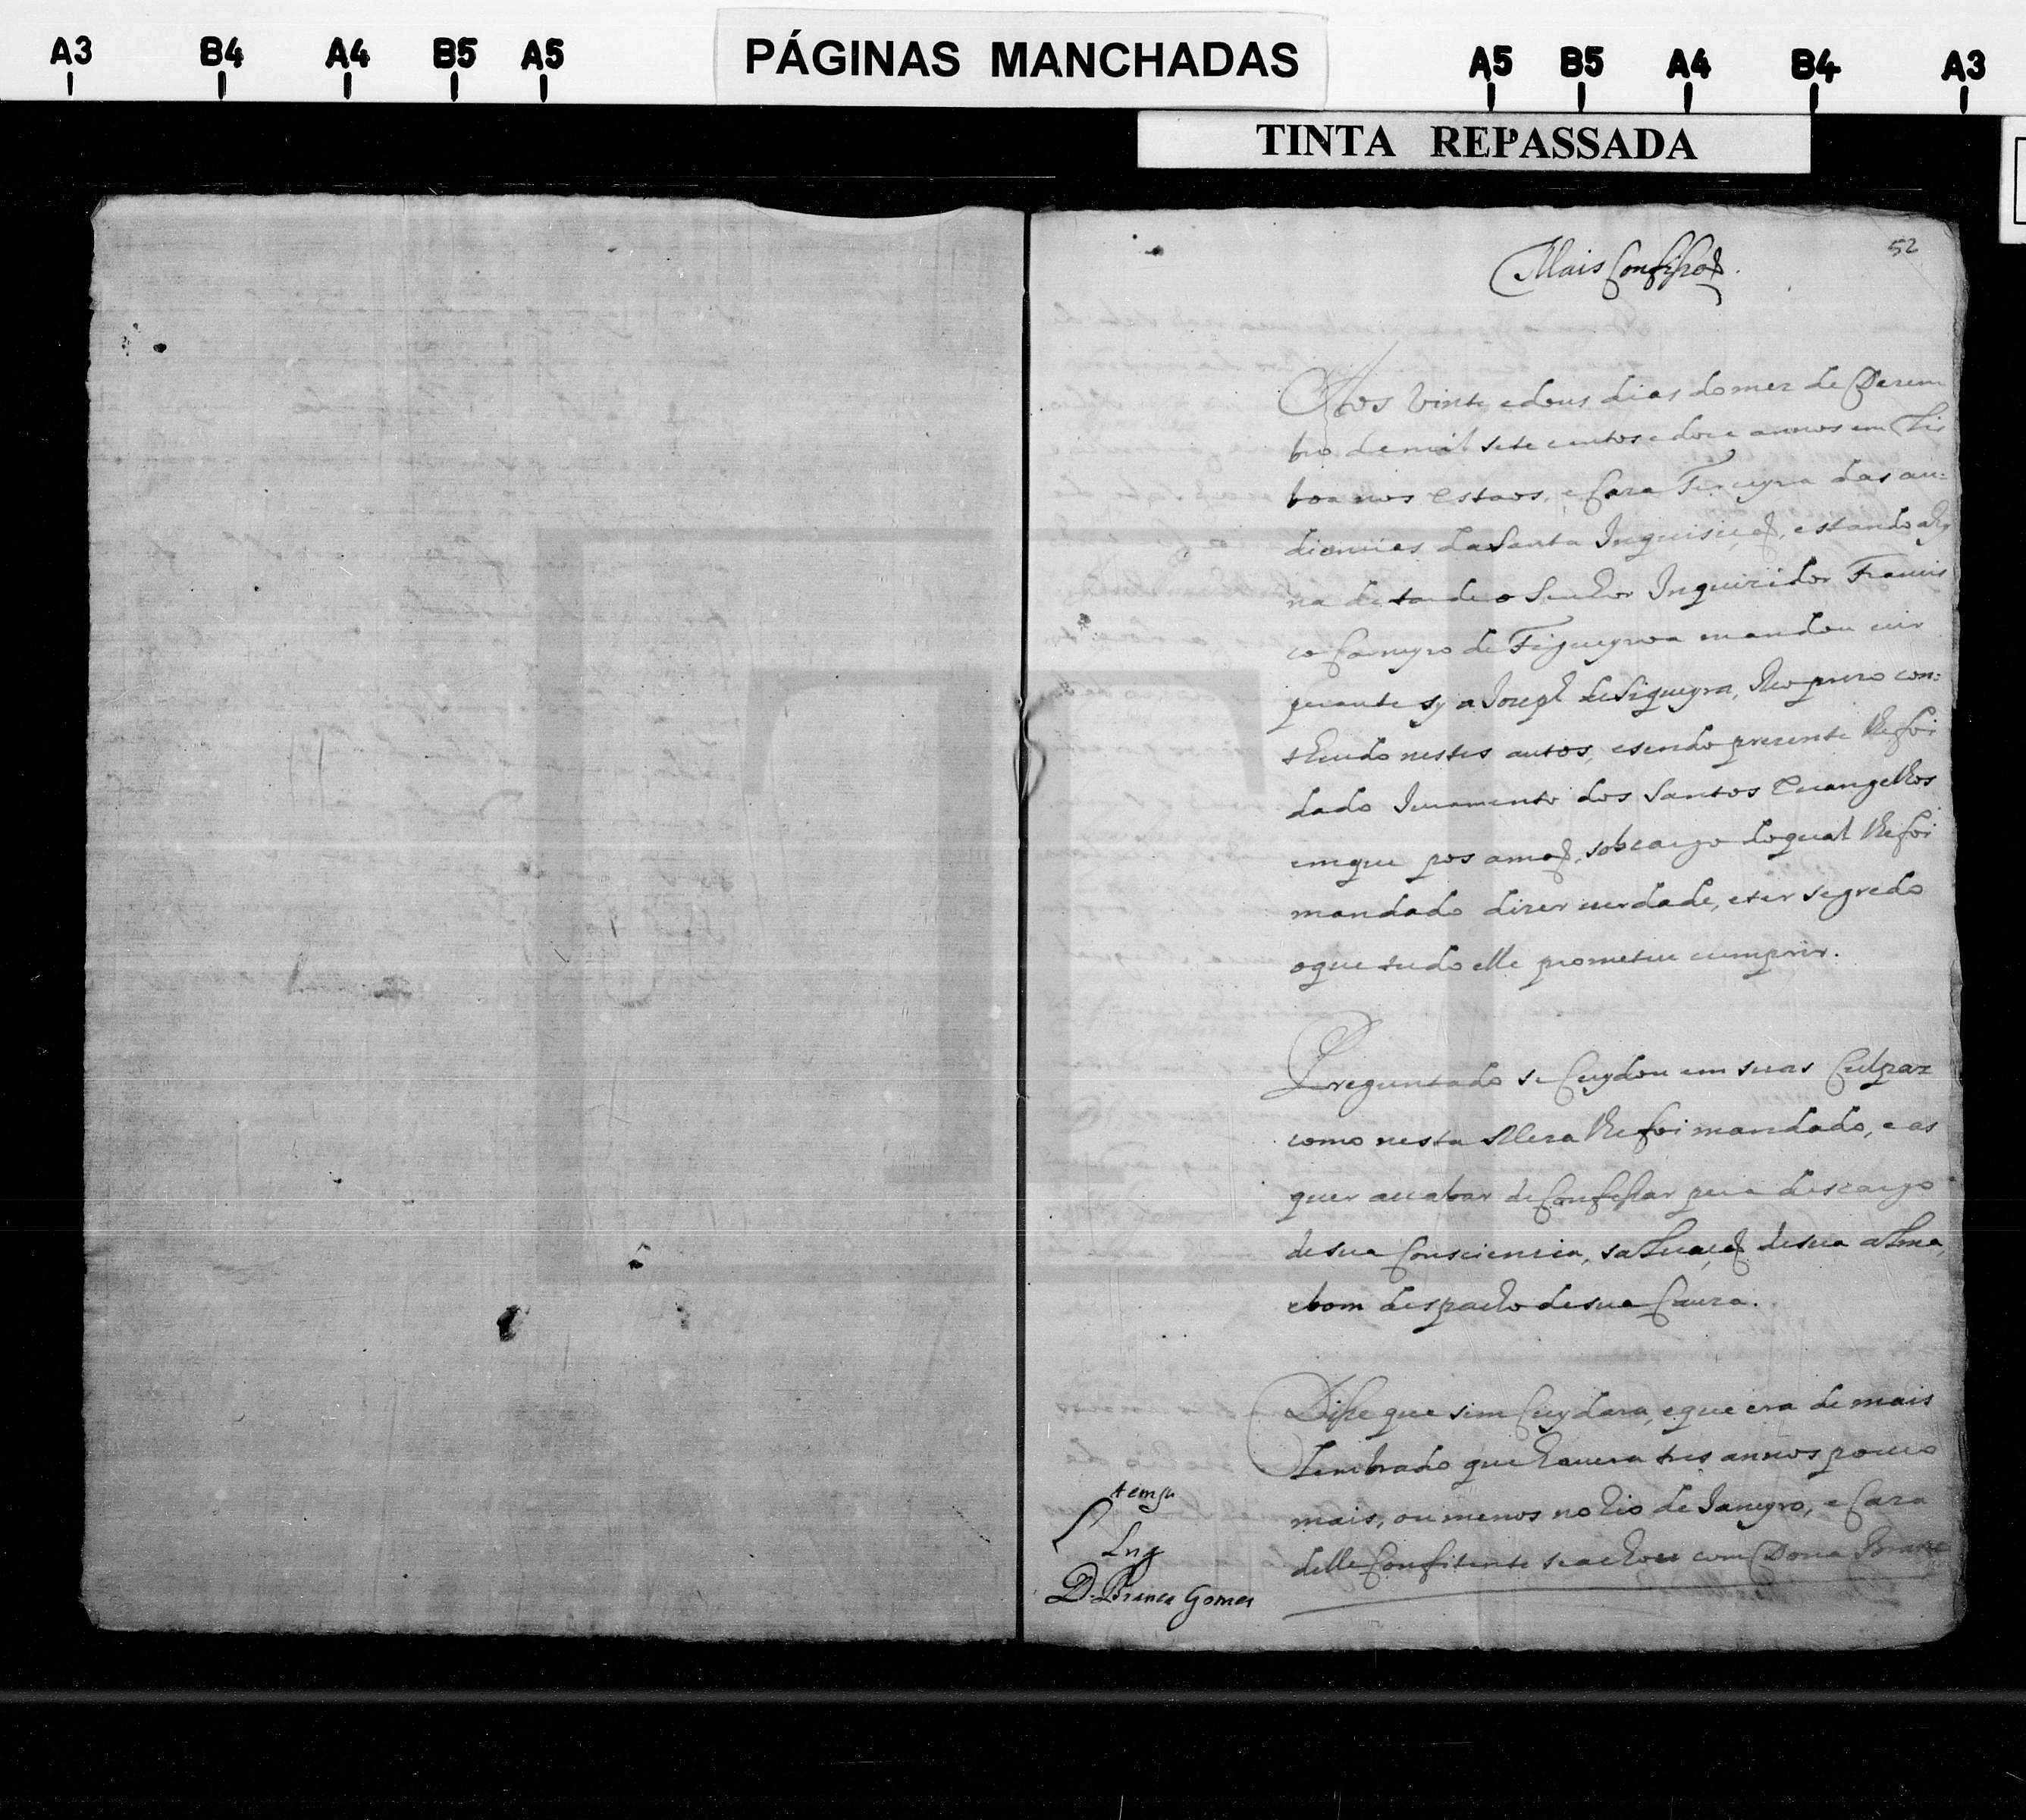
Mais Confissaõ
Aos vinte e dous dias do mez de Dezem
bro de mil setecentos e doze annos em Lis
boa nos estaos, e Caza Terceyra das au
diencias da santa Inquisiçaõ, estando ahy
na de tarde o Senhor Inquizidor Francis
co Carneyro de Figueyroa mandou uir
perante sy a Iozeph de siqueyra, Reo prezo con
theudo nestes autos, e sendo prezente lhe foi
dado Iuramento dos santos euangelhos
em que pos a maõ sob cargo do qual lhe foi
mandado dizer uerdade, e ter segredo
o que tudo elle prometeu cumprir.
Preguntado se Cuydou em suas Culpaz
como nesta Meza lhe foi mandado, e as
quer accabar de Confessar pera descargo
de sua Consciencia, saluaçaõ de sua alma,
e bom despacho de sua Cauza.
Disse que sim Cuydara, e que era de mais
Lembrado que hauera tres annos pouco
mais, ou menos no Rio de Ianeiro, e Caza
L
delle Confitente se achou com Dona Branc
tempo
Lug
D. Branca Gomes
